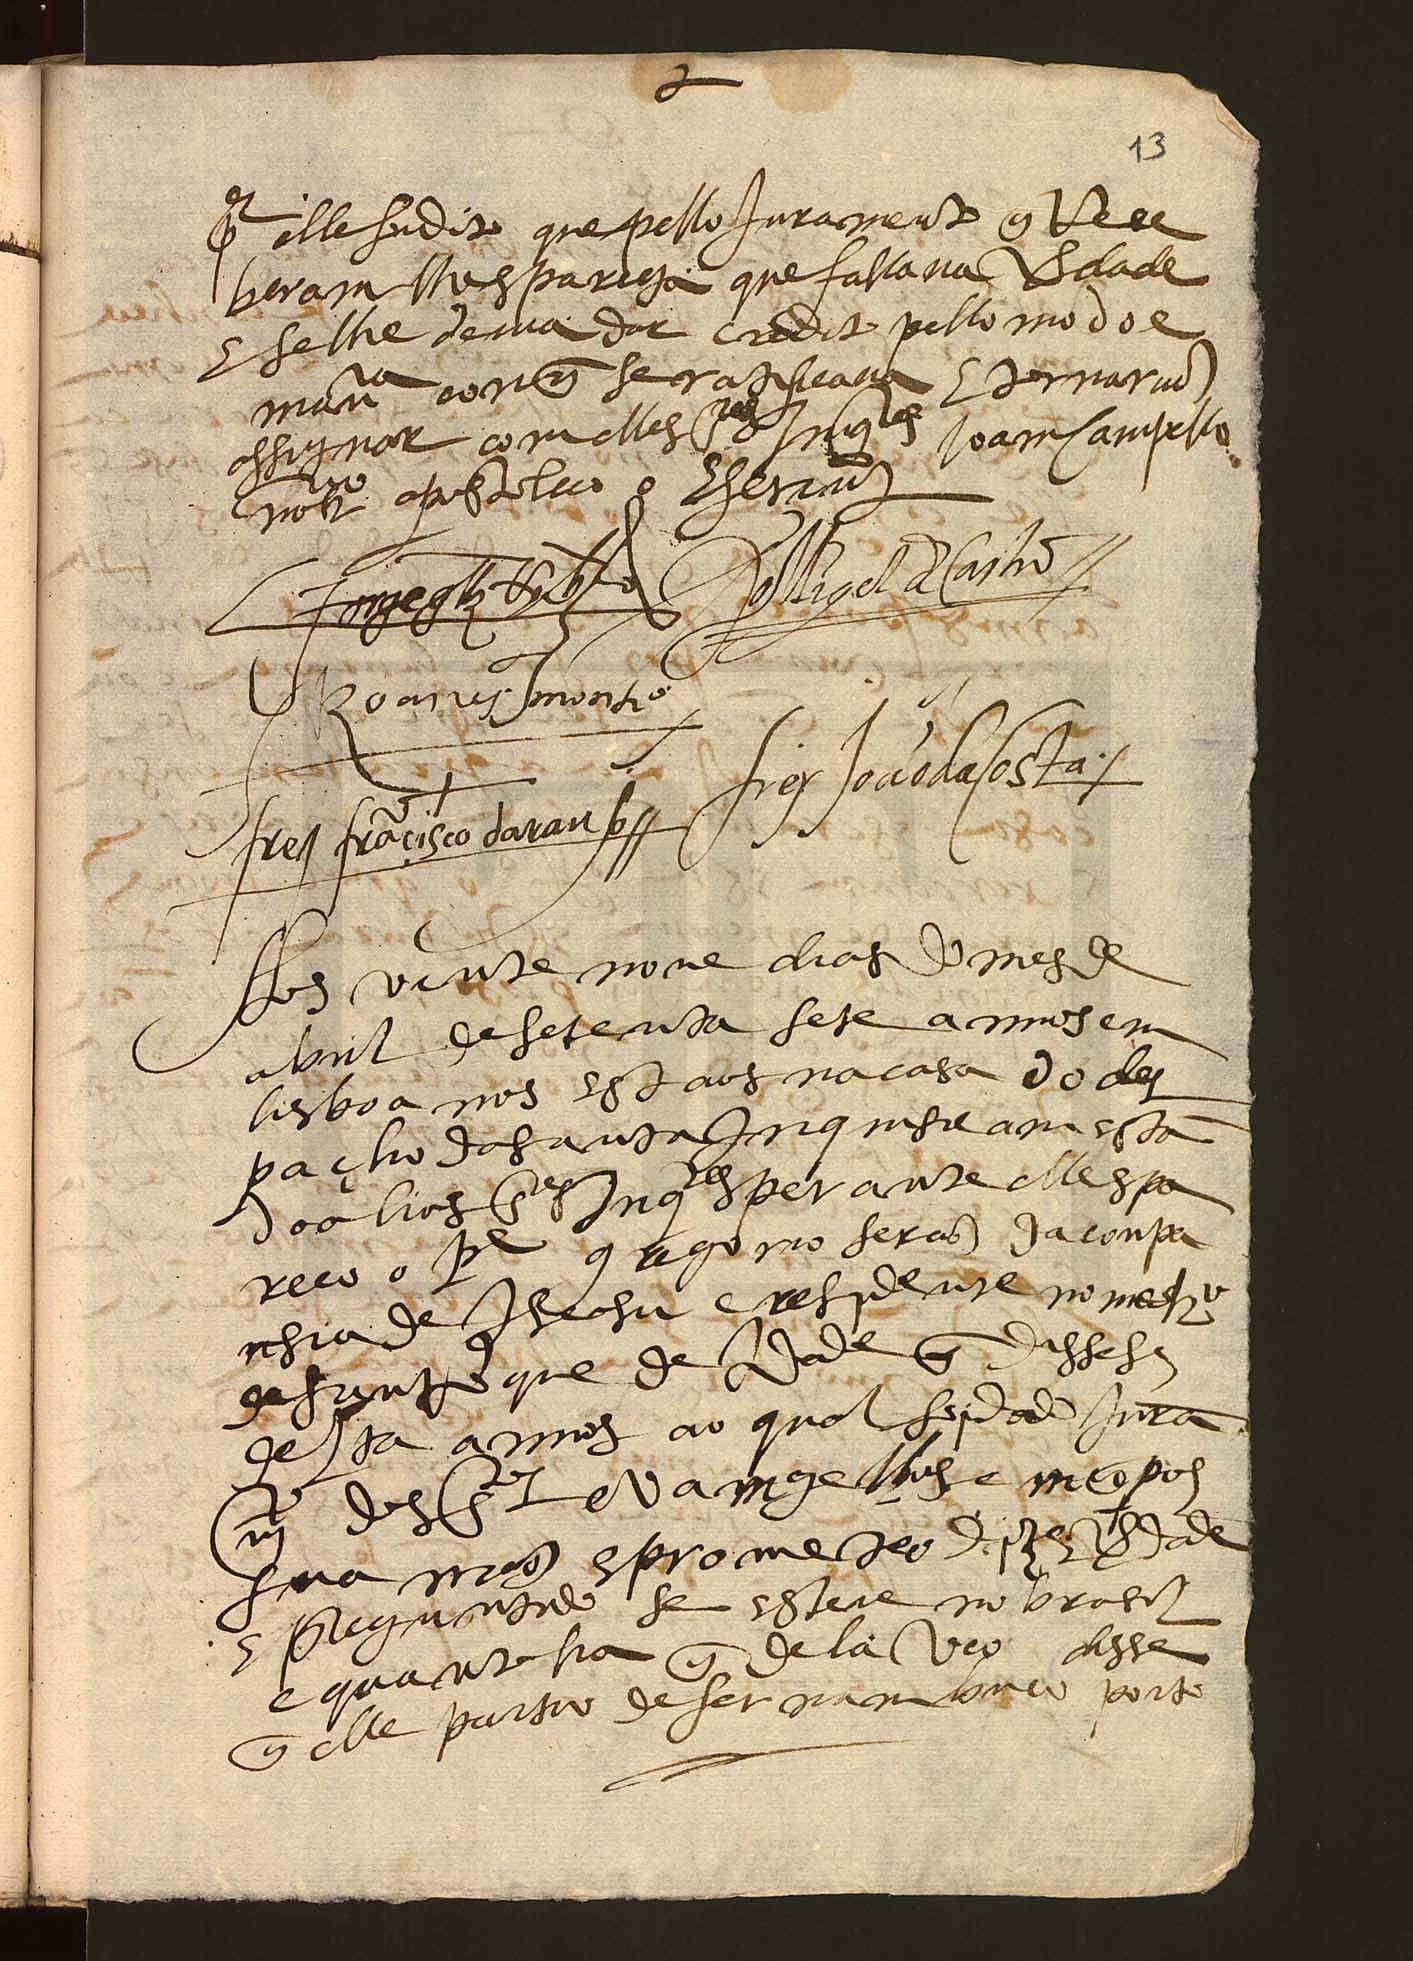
p̄or elle foi dito que pello Juramento q̄ Rece
beram lhes parecja que fallaua ꝟdade
E se lhe deuia dar credito pello modo e
manra con q̄ se ratificaua E tornaraõ
assignar com elles sres Jmqres Joam Campello
notro apostolico o Escreuj
Aos vinte noue dias do mes de
abriL de setenta sete annos em
lisboa nos Estaos na casa do des
pacho da santa Jnquisicam Estā
do ali os sres Jnqres perante elles pa
receo o Pe gregorio seraõ da compa
nhia de Jhesu e resjdente no mostro
de san Roque de Jdade q̄ disse ser
de Lta annos ao qual foj dado Jura
mto dos stos evamgelhos em q̄ pos
sua maõ E prometeo dizer ꝟdade
E preguntado se Esteue no brasiL
e quanto ha q̄ de la veo disse
q̄ elle partio de pernambuco porto
